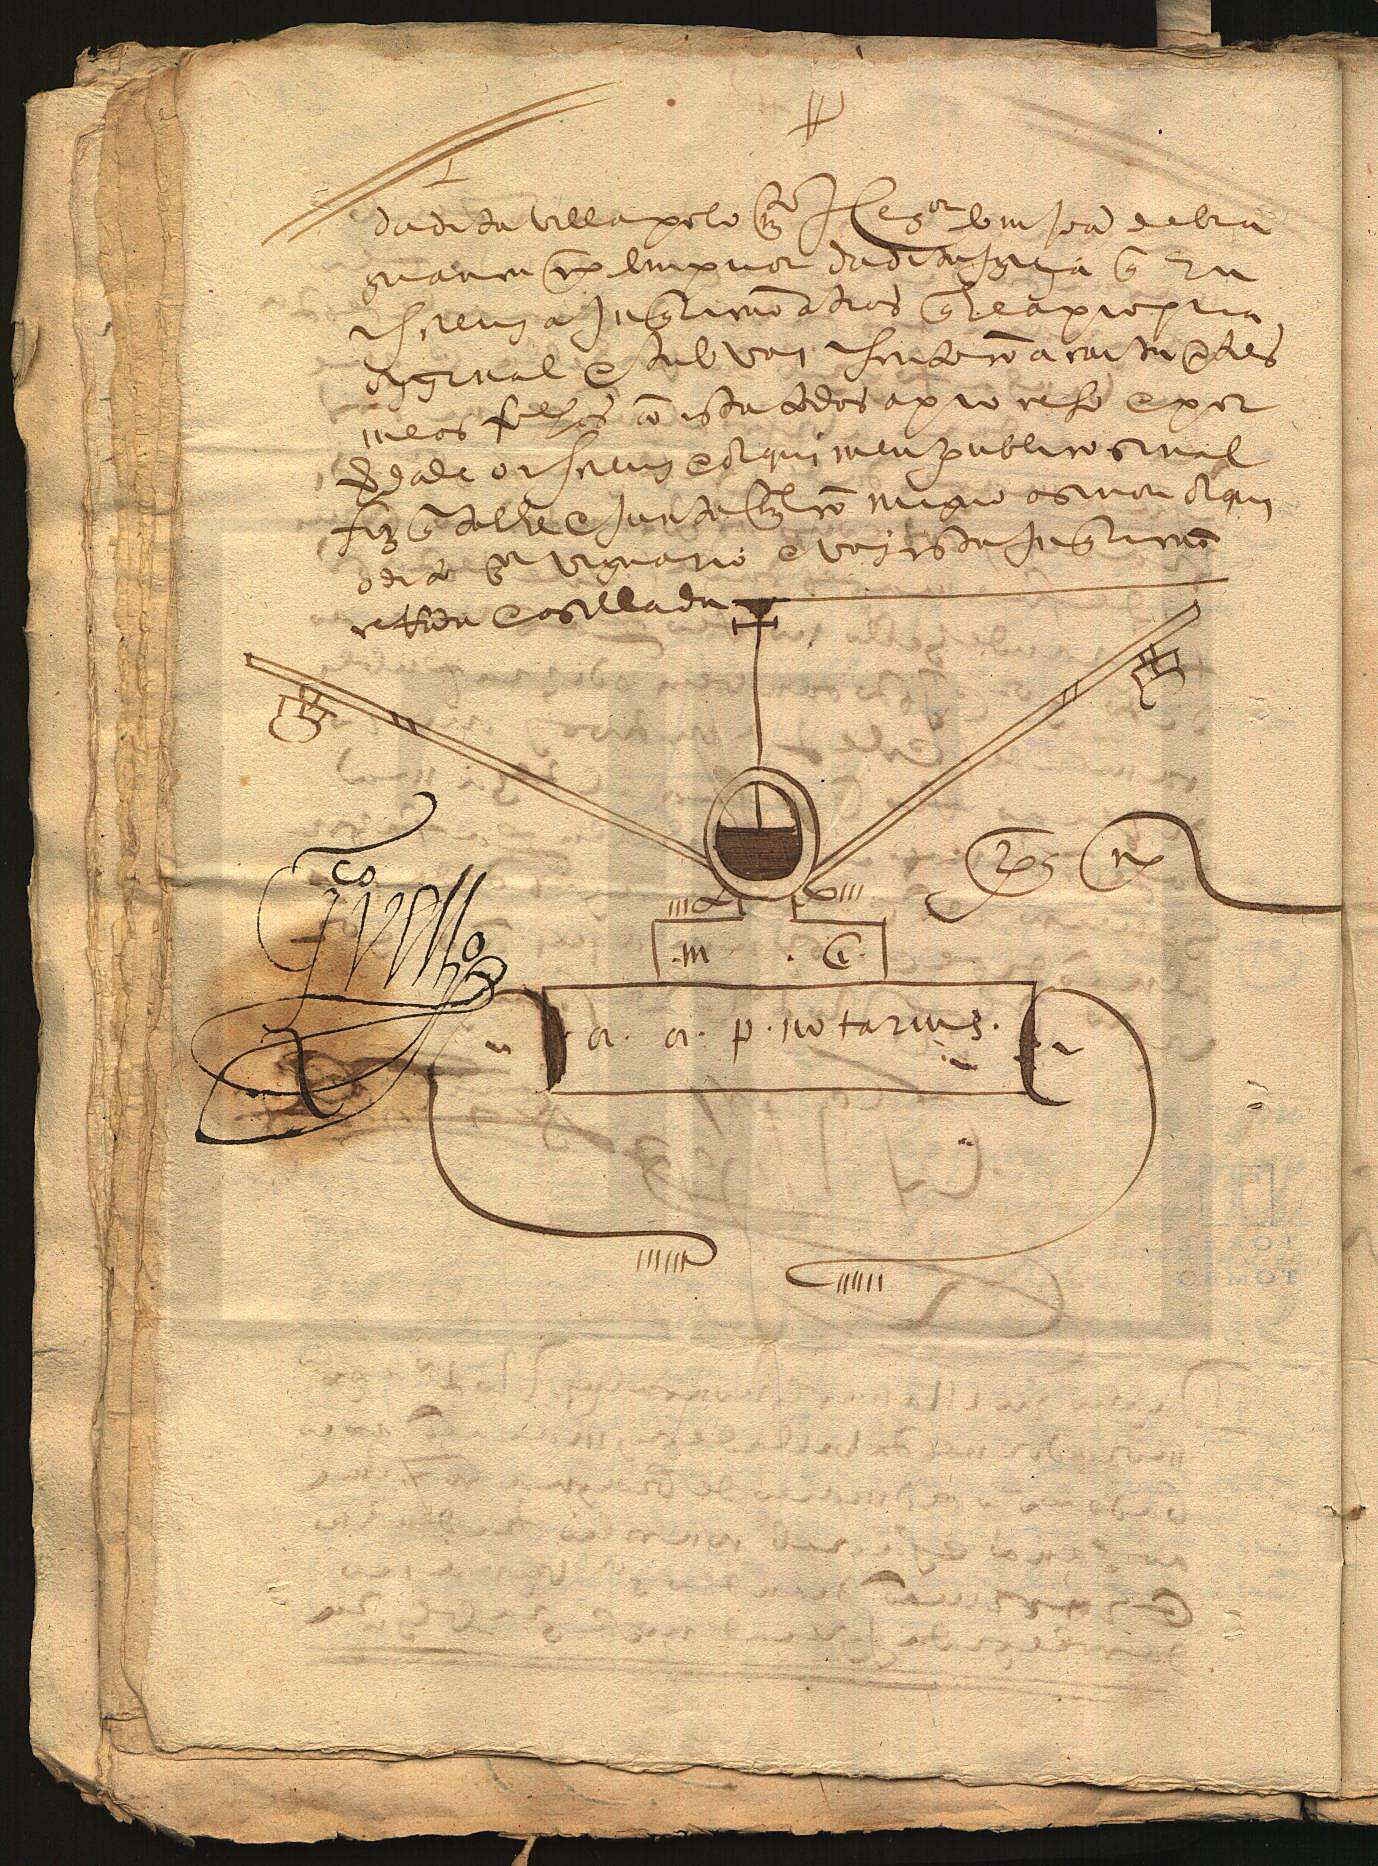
da dita villa pelo mto Jle sor dom Joā de bra
guança c̄ꝭ dom prior da dita Jgreja q̄ Eu
escreuj a Jnq̄rição atras q̄ he a propria
orjginal e tudo vaj escrito cō a carta ē tres
meas folhas cō esta todas a proceso e por
ꝟdade o escreuj e Aqui meu publico sinal
fiz q̄ tal he e Juntamte cōmiguo asinou Aquj
o dito sor viguairo e vaj esta Jnq̄rição
ceRada e asellada
p̄g n̄ꝭ
Fco Velho
